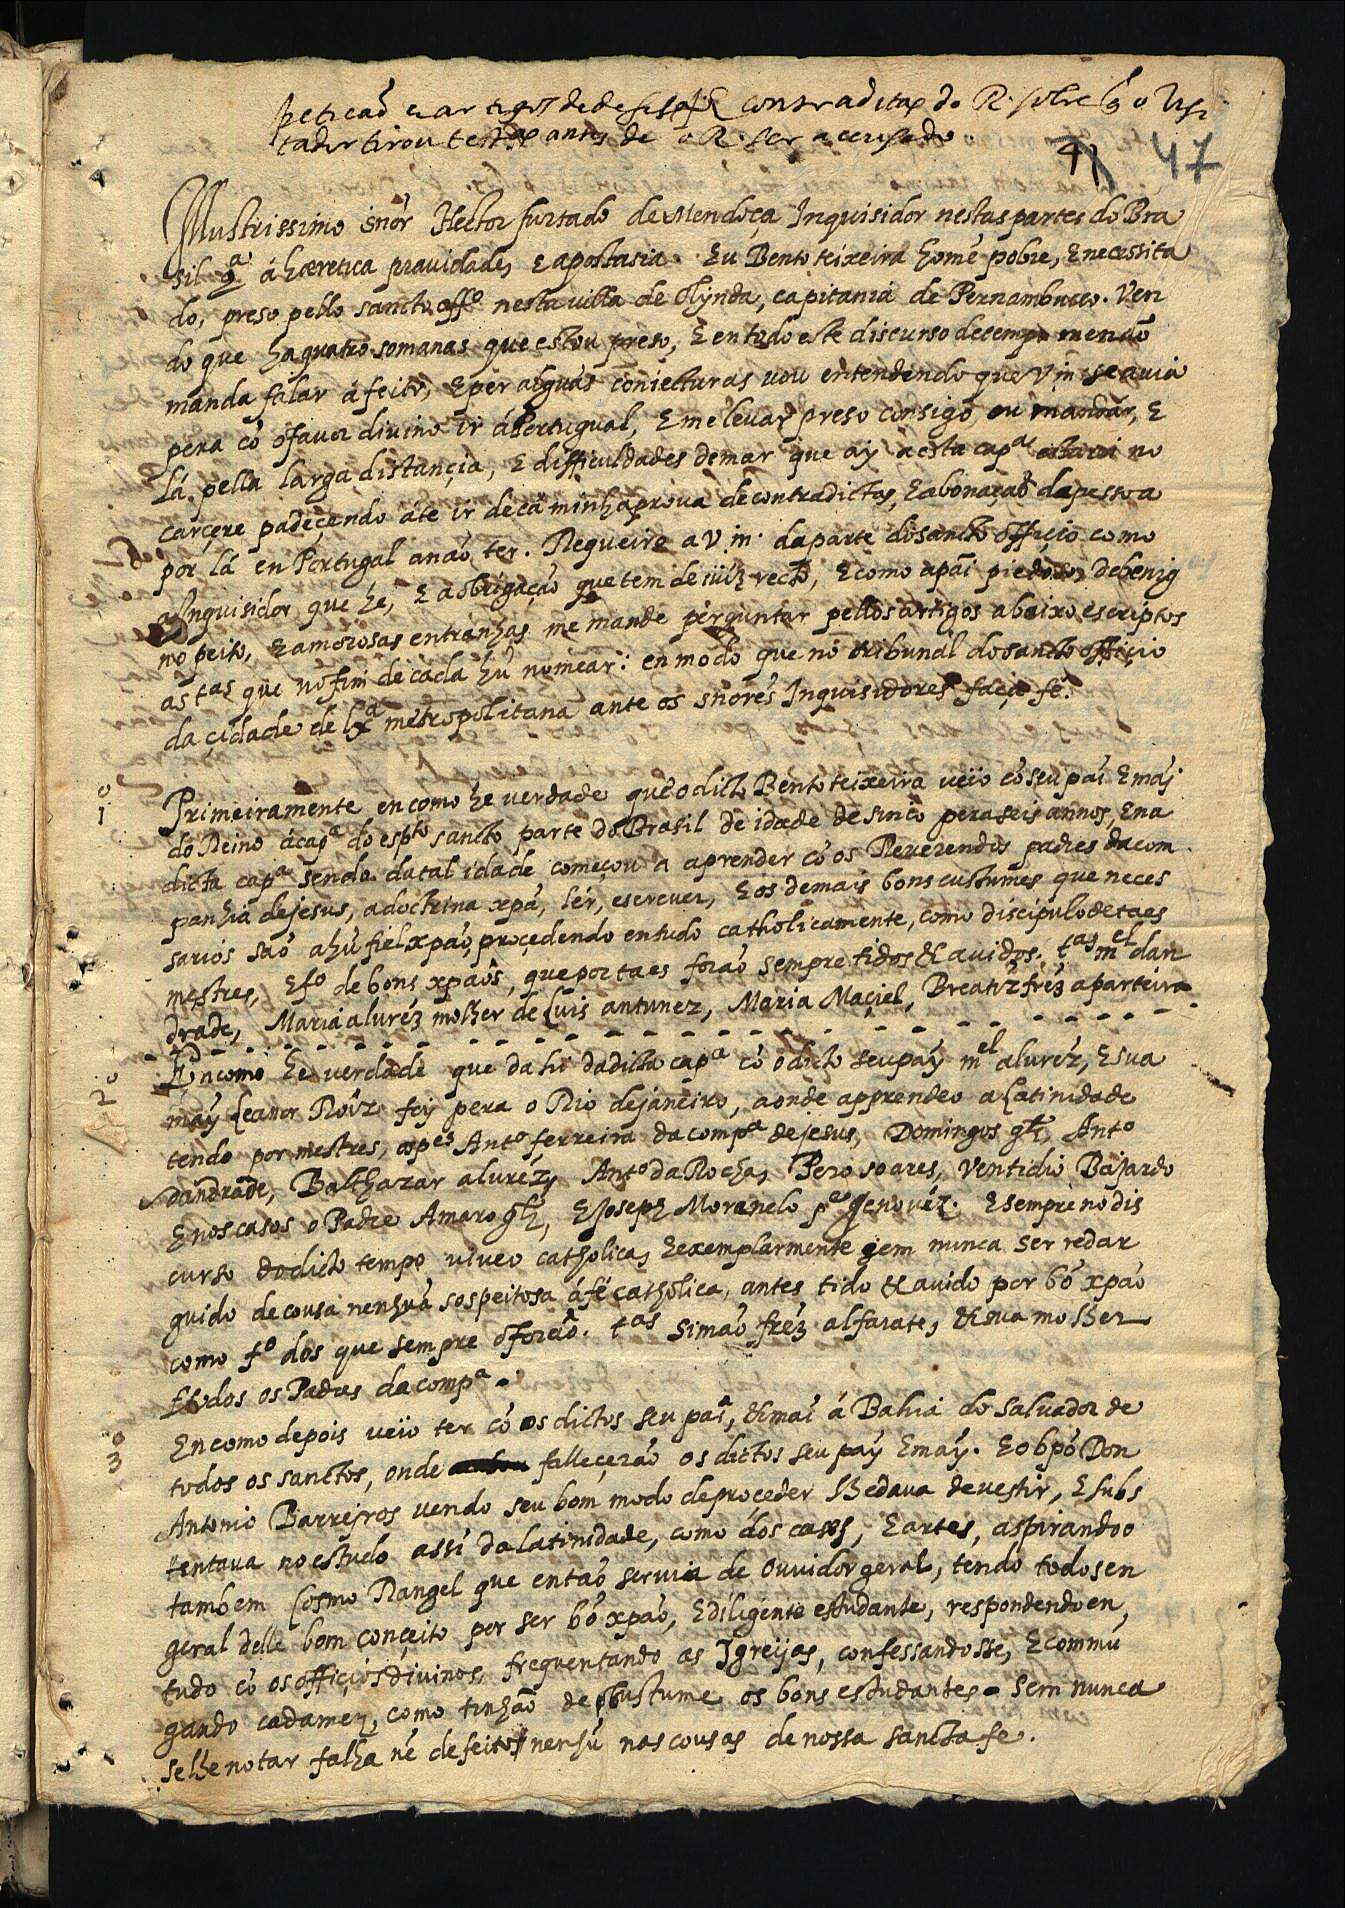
Peticaõ e artigos de desista
E contraditas do R. sobre q̄ o Visi
tador tirou test.as antes de o R. ser accusado
Jllustrissimo snor̄ Hector furtado de Mendoça Inquisidor nestas partes do Bra
sil ꝯa á hæretica prauidade, E apostasia. Eu Bento teixeira homē pobre, E necessita
do, preso pello sancto offo nesta uilla de Olynda, capitania de Pernambucco. Ven
do que a quatro somanas que estou preso, E en todo este discurso de tempo me naõ
manda falar a feito, E per alguās coniecturas uou entendendo que V m. se auia
pera cō o fauor diuino ir á Portugual, E me leuar preso consigo ou mandar, E
Lá pella larga distançia, E difficuldades de mar que ay a esta capa estarei no
carçere padecendo áte ir de ca minha proua de contradictas, E abonaçaõ da pessoa
por lá en Portugal a naõ ter. Requeiro a V. m. da parte do sancto offiçio como
a Jnquisidor que he, E a obrigaçaõ que tem de iuiz recto, E como a pāi piedoso de benig
no peito, E amorosas entranhas me mande perguntar pellos artigos abaixo escriptos
as tas que no fim de cada hū nomear: en modo que no tribunal do sancto offiçio
da çidade de lxa metropolitana ante os snores̄ Inquisidores faça fé.
Primeiramente en como he uerdade que o dicto Bento teixeira ueio cō seu paī E maȷ̃
do Reino á capa do espto sancto parte do Brasil de idade de sinco pera seis annos, E na
dicta capa sendo da tal idade começou a aprender cō os Reuerendos padres da com
panhia de jesus, a doctrina xpā, lér, escreuer, E os demais bons custumes que neces
sarios saõ a hū fiel xpaõ, proçedendo en tudo catholicamente, como discipulo de taes
mestres, E fo de bons xpaõs, que por taes foraõ sempre tidos & auidos, tas mel dan
drade, Maria alurez̄ molher de Luis antunez, Maria Maçiel, Breatiz frez̄ a parteira
En como he uerdade que dahi da dicta capa cō o dicto seu paȳ mel alurez̄, E sua
maỹ Leanor Roīz foy pera o Rio de janeiro, aonde apprendeo a Latinidade
tendo por mestres, os pes Anto ferreira da compa de jesus, Domingos gl̄z, Anto
dandrade, Balthazar alurez̄, Anto da Rocha, Pero soares, Ventidio Bajardo
E nos casos o Padre Amaro gl̄z, E Joseph Moranelo pe genovez. E sempre no dis
curso do dicto tempo uiueo catholica, E exemplarmente sem nunca ser redar
guido de cousa nenhuā sospeitosa á fé catholica, antes tido & auido por bō xpaõ
como fo dos que sempre o foraõ. tas Simaõ frez̄ alfaiate, & sua molher
E todos os Padres da compa.
En como depois ueio ter cō os dictos seu pai & maĩ á Bahia do Saluador de
todos os sanctos, onde acabou falleçeraõ os dictos seu paȳ E maỹ. E o bpō Don
Antonio Barreijos uendo seu bom modo de proçeder lhe daua de uestir, E subs
tentaua no estudo assi da Latinidade, como dos casos, E artes, aspirando o
também Cosmo Rangel que entaõ seruia de Ouuidor geral, tendo todos en
geral delle bom conçeito por ser bō xpaõ, E diligente estudante, respondendo en
tudo cō os offiçios diuinos, frequentando as Igreijas, confessandosse, E commū
gando cada mez, como tinhaõ de custume os bons estudantes _ sem nunca
se lhe notar falha nē defeitos nenhū nas cousas de nossa sancta fe.
